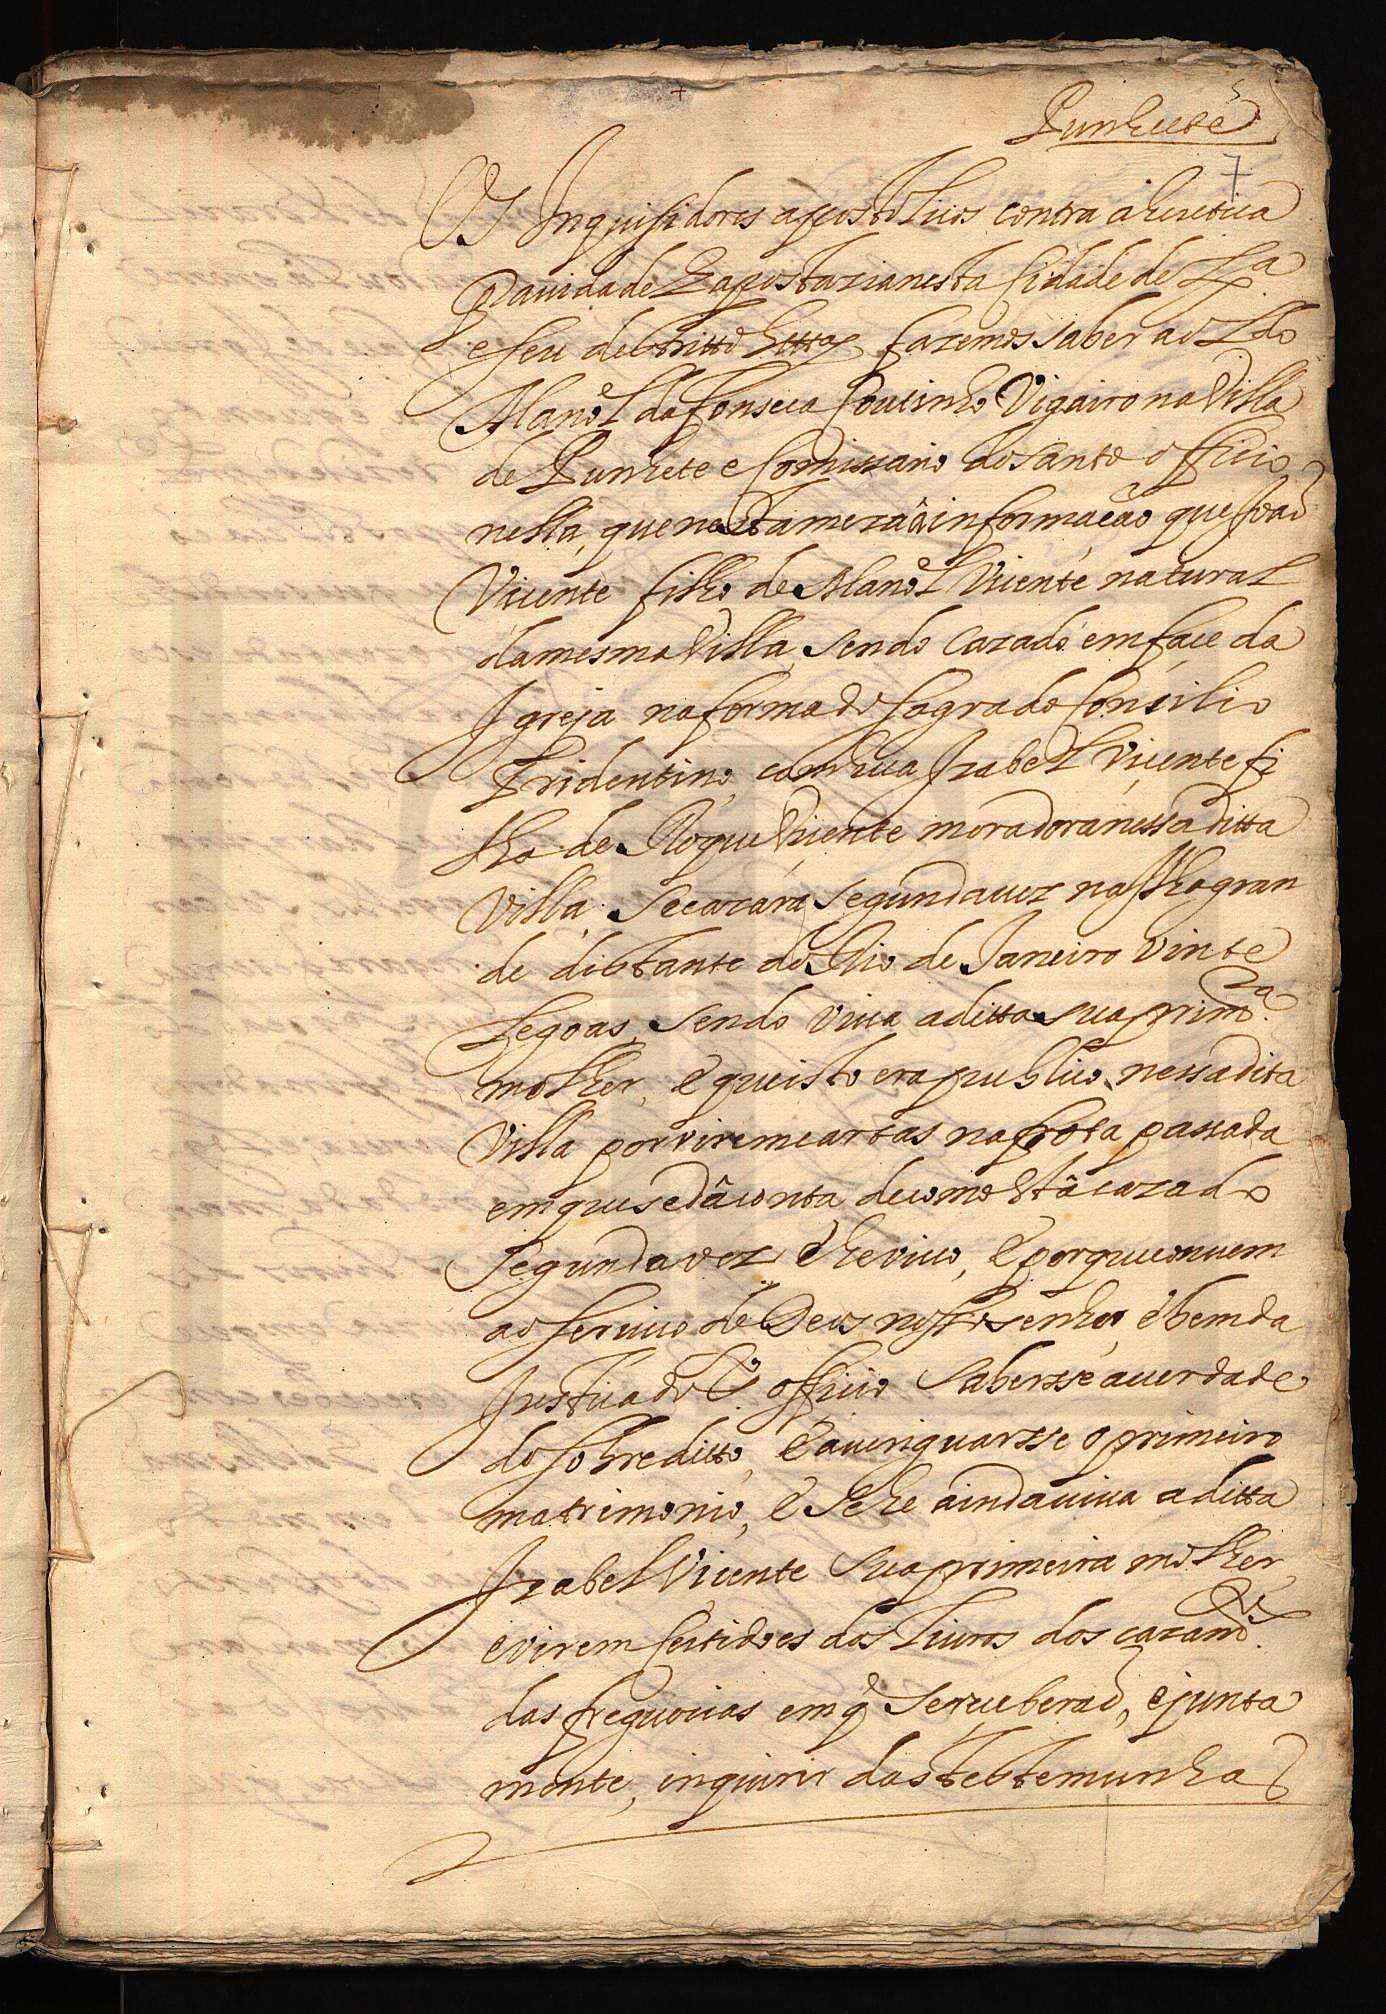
Punheete
Os Inquisidores apostolicos contra a heretica
prauidade E apostazia nesta Cidade de Lx.a
e seu destritto Etttaꝭ fazemos saber ao Ldo
ManoeL da fonseca Coutinho Vigairo na Villa
de Punhete e Comissario do santo officio
nella, que nesta meza â informação que Joaõ
Vicente filho de ManoeL Vicente naturaL
da mesma Villa, sendo cazado em façe da
Jgreja na forma do Sagrado Concilio
Tridentino com hua JsabeL Viçente fi
lha de Roque Viçente moradora nessa ditta
villa, se cazara segunda uez na Jlha gran
de distante de Rio de Janeiro vinte
Legoas, sendo viua a ditta sua primra.
molher, E que isto era publico nessa ditta
Villa por virem cartas na frota passada
em que se dâ conta de como estâ cazado
segunda vez E he viuo, E porque conuem
ao Serviço de Deos nosso senhor, e bem da
Justica do sto officio sabersse a uerdade
do sobreditto, E a uinguarsse o primeiro
matrimonio, E se he ainda uiua a ditta
JzabeL Viçente sua primeira molher,
e virem Certidoes dos Liuros dos cazam.tos
das freguezias em q̄ se receberaõ, e junta
mente, inquirir das testemunhas
